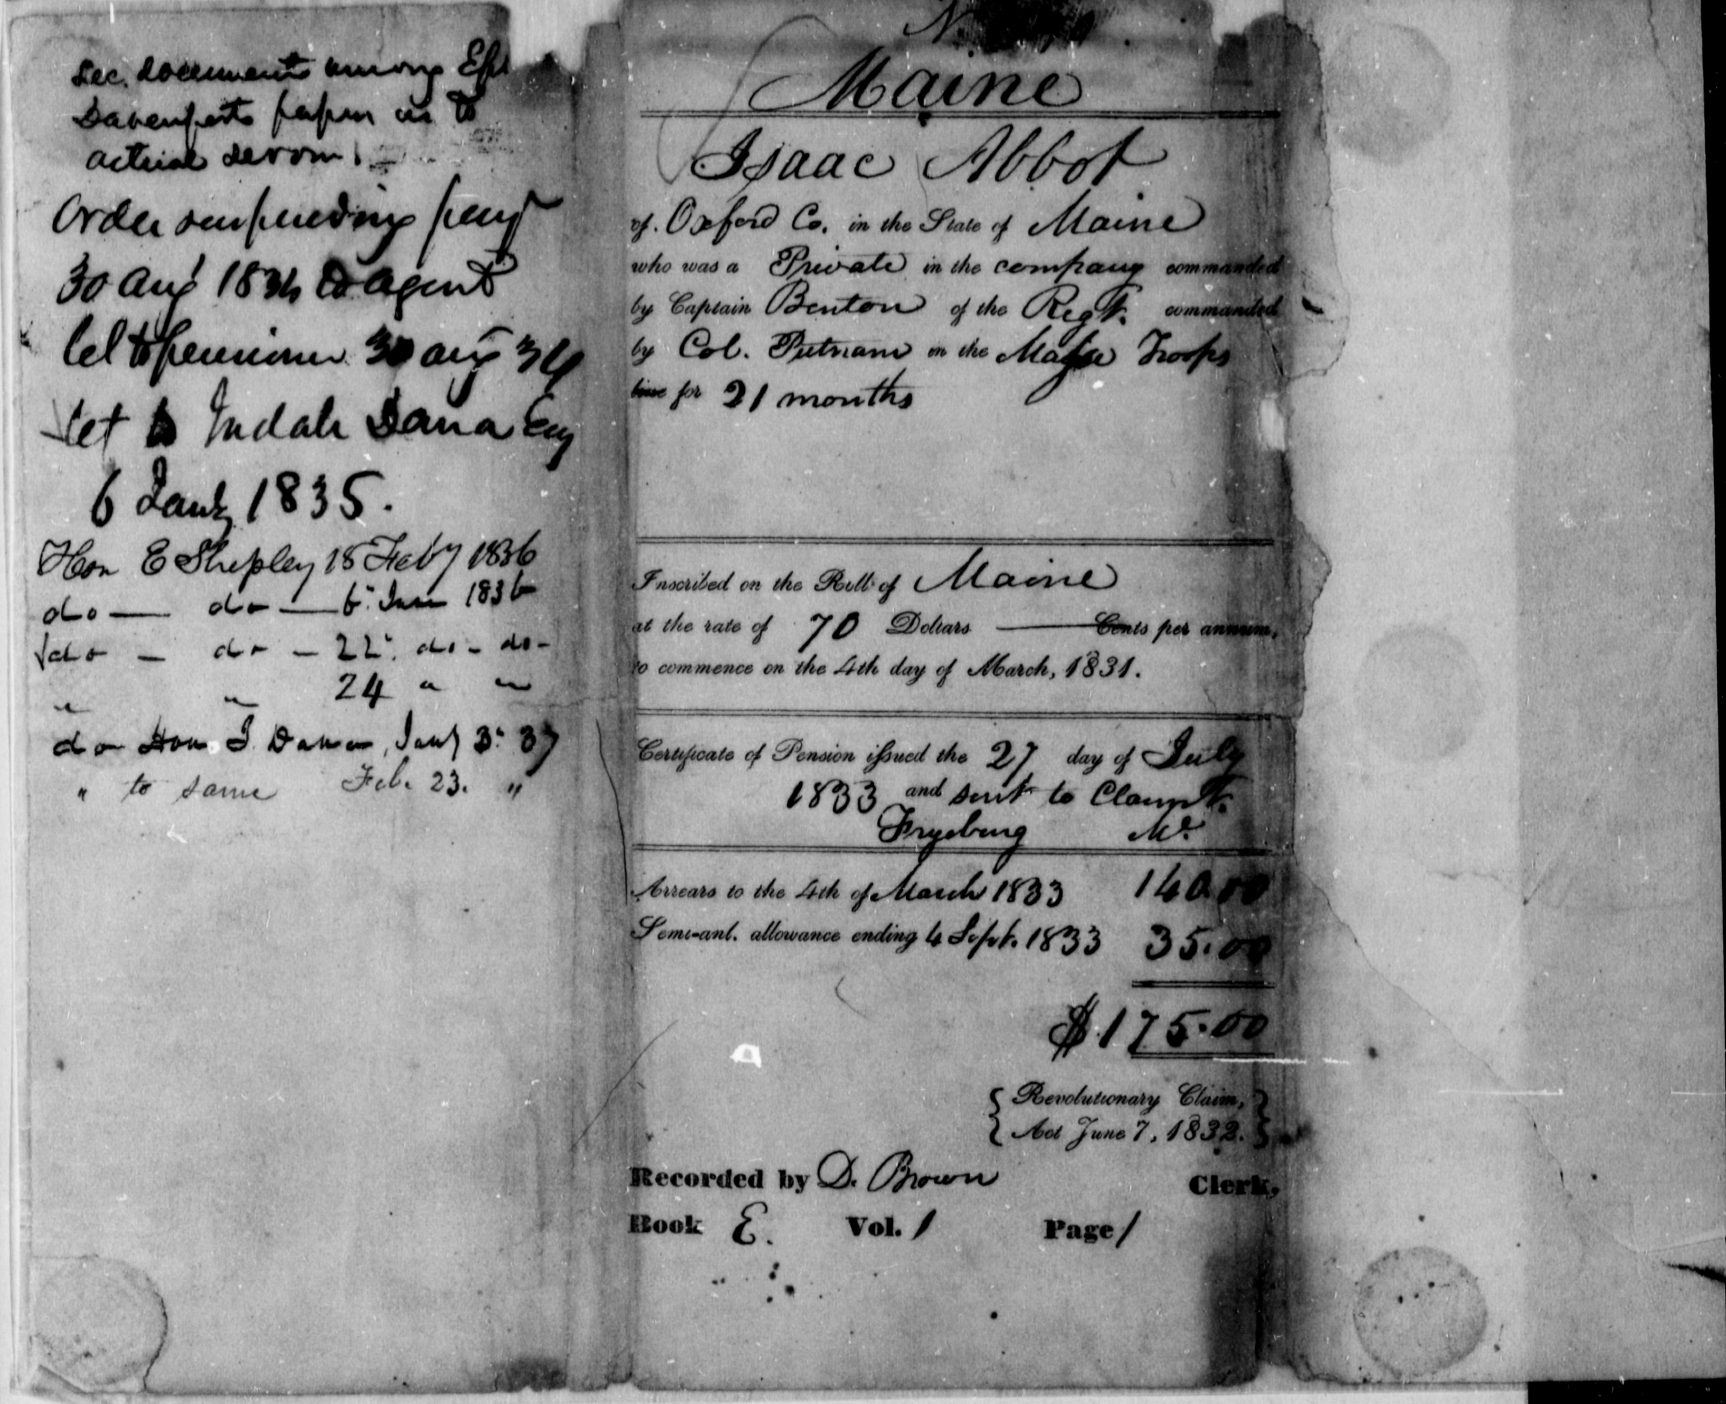[LEFT PAGE]
Sec.[?] documents Ef[CUT OFF] [illegible] papers as to actual service.
Order suspending[?] pay 30 Aug 1834 to agent let to pensioner 30 Aug '34 let to Judah Dana, Esq. 6 Jan'y 1835

Hon. E. Shepley, 18 Feb'y 1836




also Hon. J. Dana, Jan'y 3rd, '37
" to same Feb 23, "

[NORMAL]
No. [CUT OFF]
Maine
====================
Isaac Abbot
of Oxford Co. in the State of Maine
who was a Private in the Company commanded
by Captain Benton of the Regt. commanded
by Col. Putnam in the Mass. Troops line for 21 months

====================
Inscribed on the Roll of Maine
at the rate of 70 Dollars ----- Cents per annum
to commence on the 4th day of March, 1831.
====================
Certificate of Pension issued the 27 day of July 1833 and sent to Claims.
Fryeburg, Me.
====================
Arrears to the 4th of March1833
Semi-anl. allowance ending 4 Sept. 1833
140.00
+35.00
=====
$175.00

{Revolutionary Claim,}
{Act June 7, 1832.}

Recorded by [SIGNED: D. Brown] Clerk,
Book E, Vol. 1, Page 1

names: Isaac Abbot, Putnam, D Brown, Benton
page: 23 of 86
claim: survivor's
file: S 29,568, Isaac Abbot, Mass